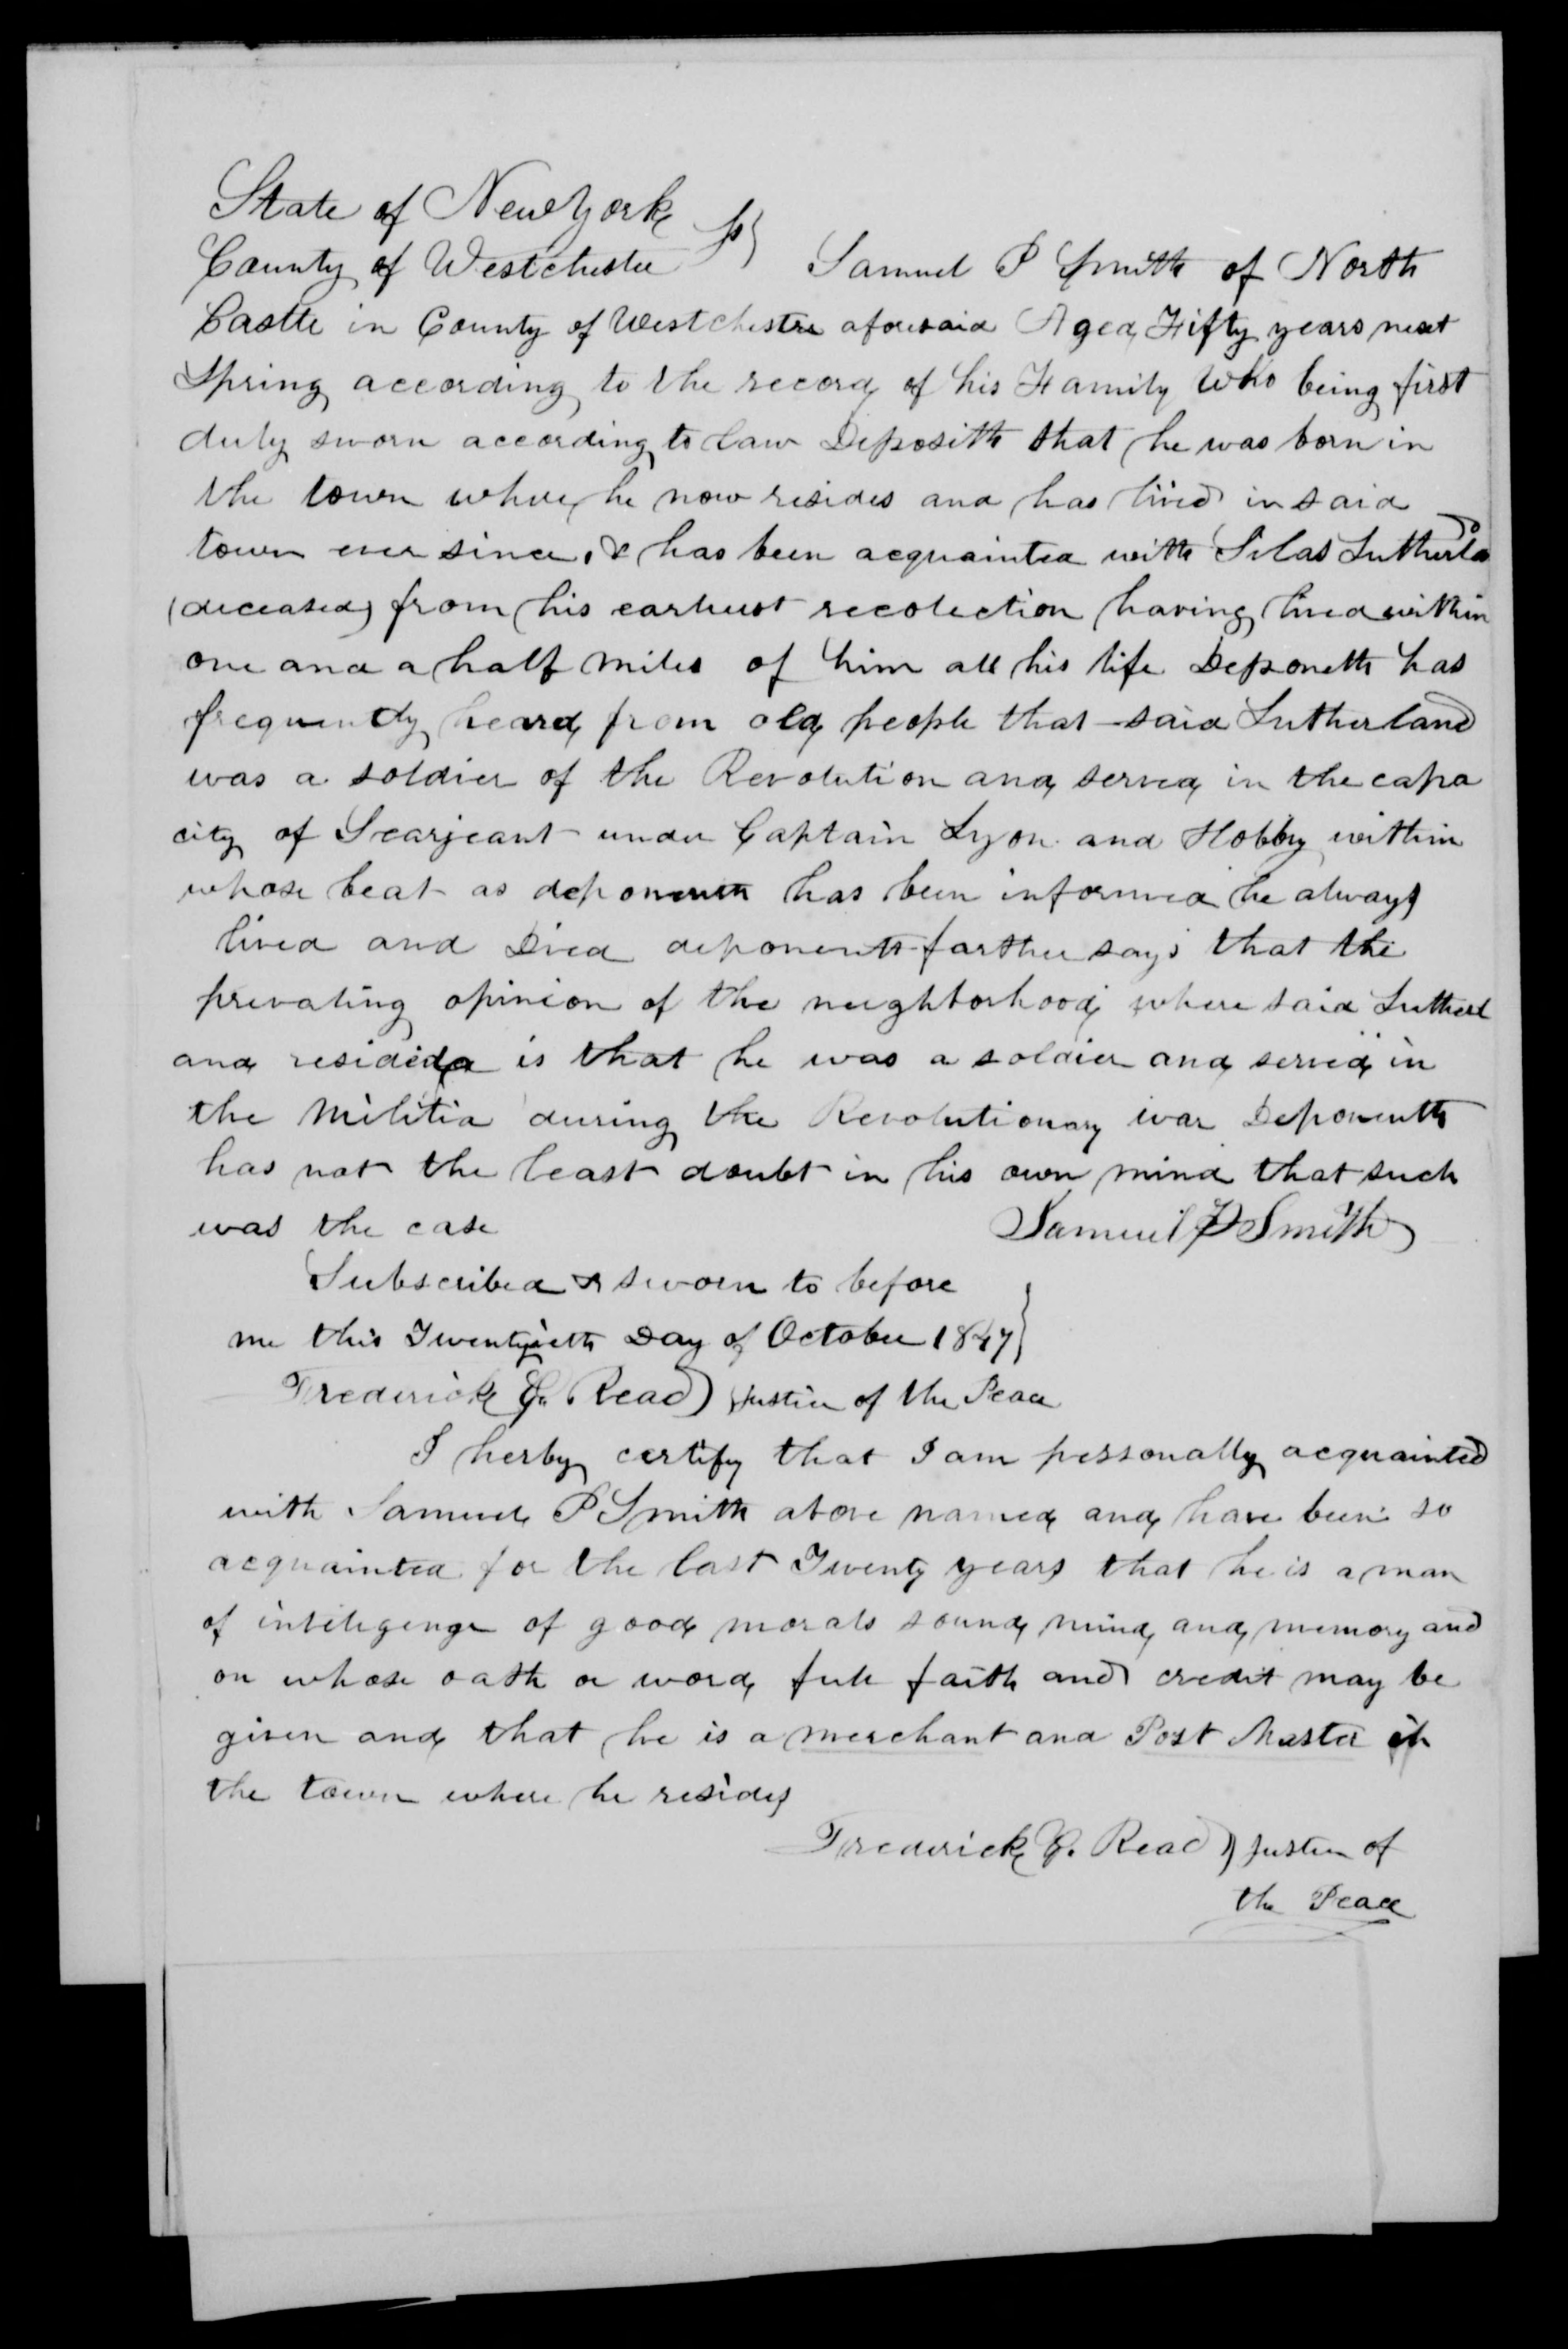State of New York, County of Westchester ss
Samuel P. Smith of North Castle in County of Westchester aforesaid aged fifty years next spring according to the record of his family. Who being first duly sworn according to law deposith that he was born in the town where he now resides and has lived in said town ever since & has been acquainted with Silas Sutherland (deceased) from his earliest recolection [recollection] having lived within one and a half miles of him all his life. Deponeth has frequently heard from old people that said Sutherland was a soldier of the Revolution and served in the capacity of Searjeant under Captain Lyon and Hobby within whose beat as deponent has been informed he always lived and died. Deponent farther says that the prevaling opinion of the neighborhood where said Sutherland resided is that he was a soldier and served in the militia during the Revolutionary war. Deponent has not the least doubt in his own mind that such was the case. Samuel P. Smith
Subscribed & sworn to before me this twentieth day of October 1847. Frederick G. Read Justice of the Peace

I hereby certify that I am personally acquainted with Samuel P. Smith above named and have been so acquainted for the last twenty years. That he is a man of intelligence of good morals sound mind and memory and on whose oath or word full faith and credit may be given and that he is a merchant and Post Master in the town where he resides.
Frederick G. Read, Justice of the Peace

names: [BLANK] Lyon; [BLANK] Sutherland; [BLANK] Sutherland; Frederick G Read; Samuel P Smith; [BLANK] Hobby; Silas Sutherland; Frederick G Read; Samuel P Smith; Samuel P Smith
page: 48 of 77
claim: survivor's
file: S. 23003, for Silas Southerland, New York